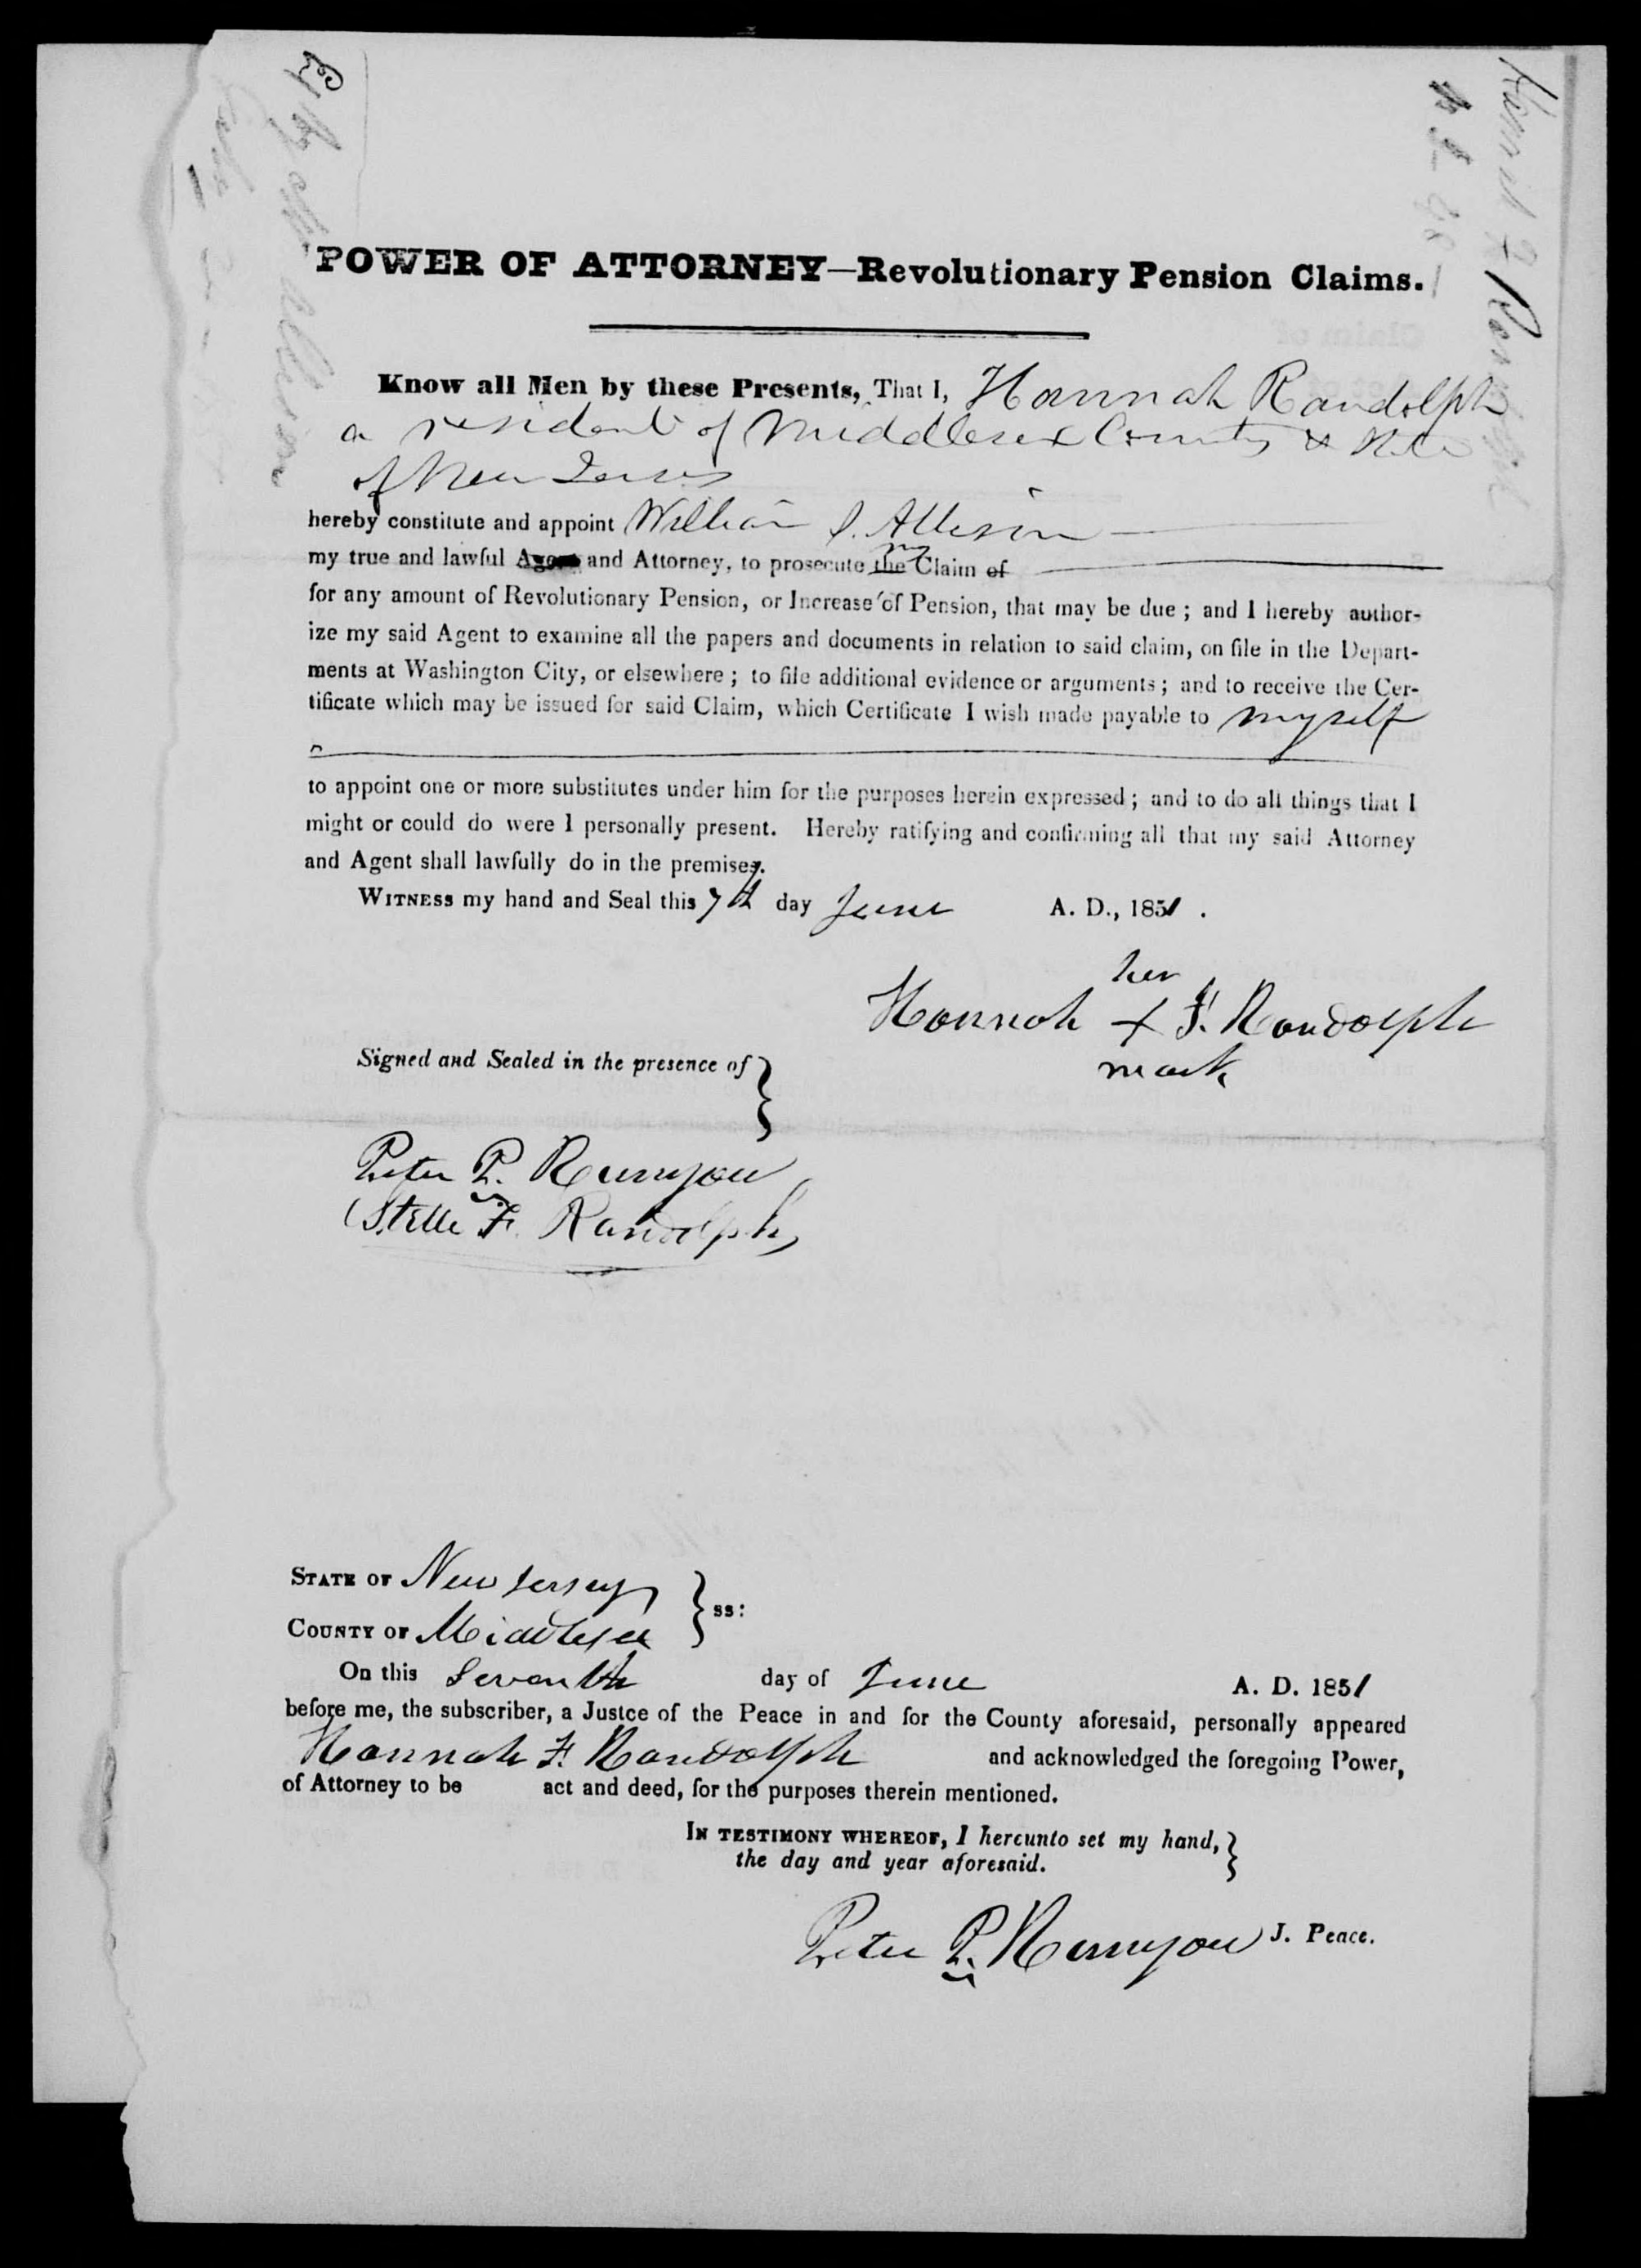POWER OF ATTORNEY - Revolutionary Pension Claims.
Know all Men by these Presents, That I, Hannah Randolph a resident of Middlesex County & NW of New Jersey hereby constitute and appoint William S. Allesim my true and lawful Ag and Attorney, to prosecute the my Claim of - for any amount of Revolutionary Pension, or Increase of Pension, that may be due; and I hereby authorize my said Agent to examine all the papers and documents in relation to said claim, on file in the Departments at Washington City, or elsewhere; to file additional evidence or arguments; and to receive the Certificate which may be issued for said Claim, which Certificate I wish made payable to myself to appoint one or more substitutes under him for the purposes herein expressed; and to do all things that I might or could do were I personally present. Hereby ratifying and confirming all that my said Attorney and Agent shall lawfully do in the premises. WITNESS my hand and Seal this 7th day June A. D., 1851.
Hannah F Randolph her mark
Signed and Sealed in the presence of
Peter P. Runyon
Stelle F. Randolph
STATE of New Jersey
COUNTY of Middlesex
ss:
On this Seventh day of June A. D. 1851 before me, the subscriber, a Justice of the Peace in and for the County aforesaid, personally appeared Hannah F. Randolph and acknowledged the foregoing Power, of Attorney to be act and deed, for the purposes therein mentioned.
IN TESTIMONY WHEREOF, I hereunto at my hand, the day and year aforesaid.
Peter P. Runyon J. Peace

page: 28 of 33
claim: widow's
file: W. 5,665, for Stelle F Randolph, New Jersey